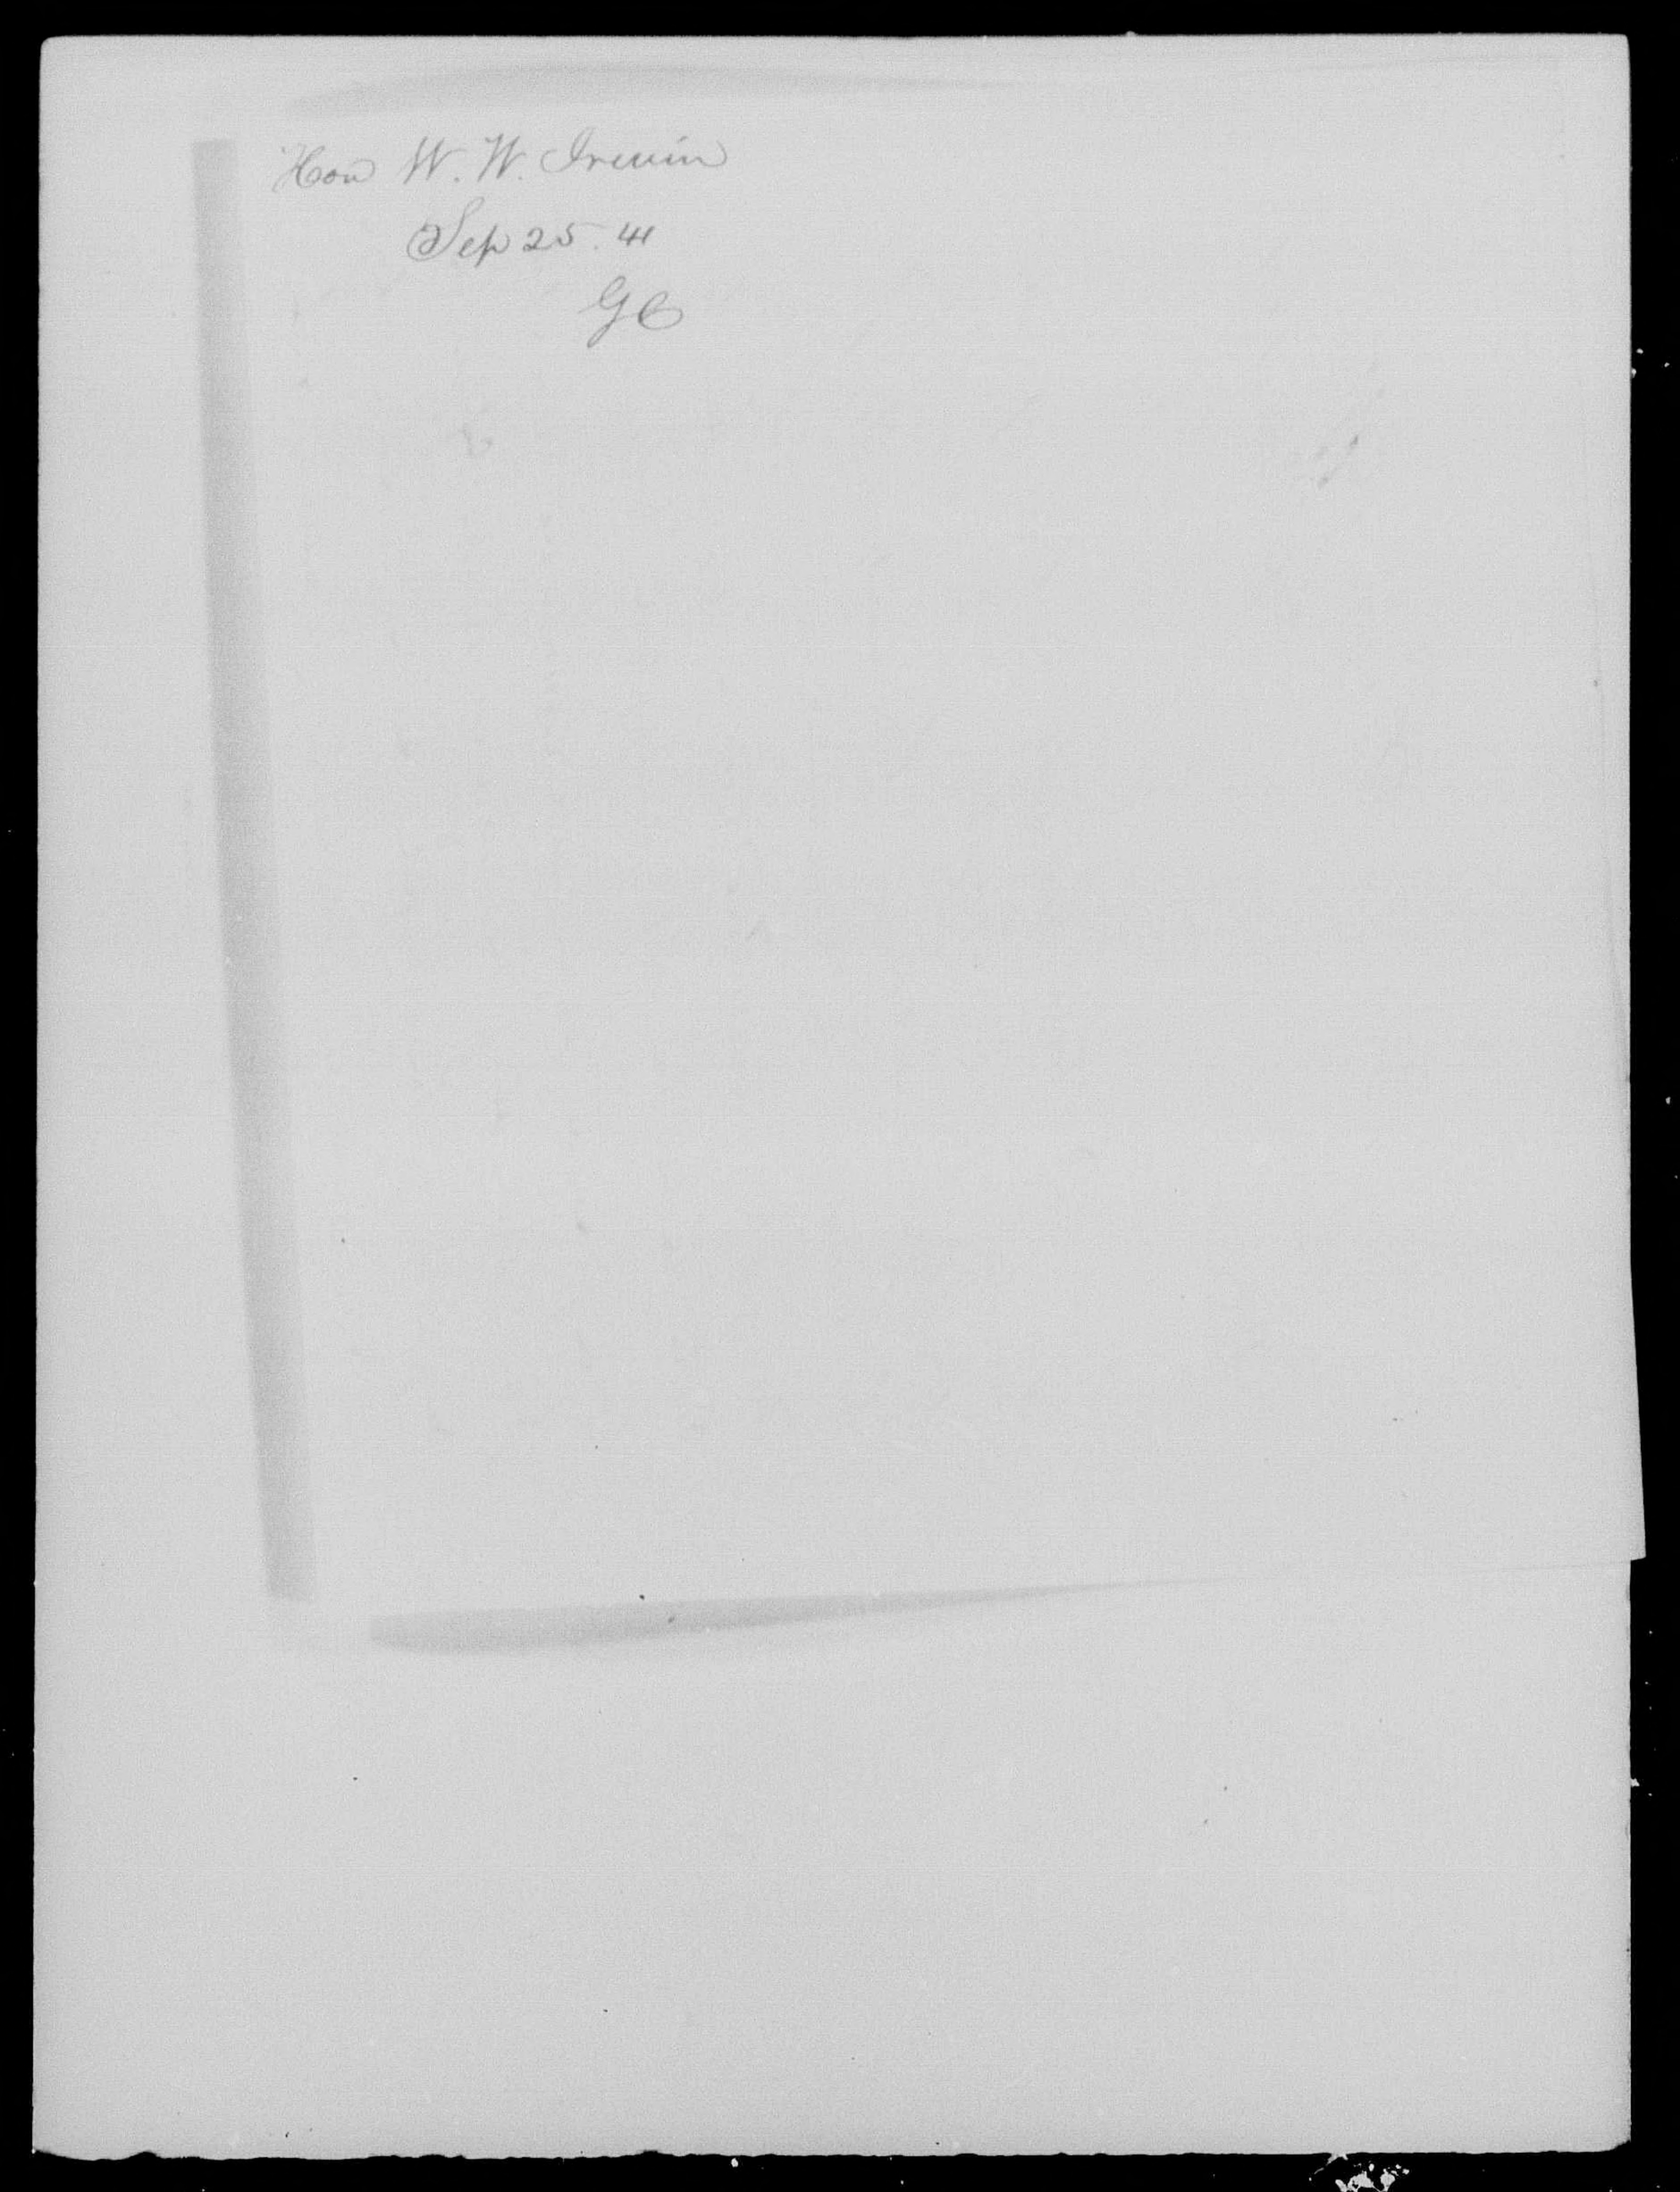Hon. W. W. Irwin
Sep 25 41
[illegible signature]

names: W W Irwin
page: 18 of 34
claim: rejected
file: R. 1371, Felix Brunot, Penn.